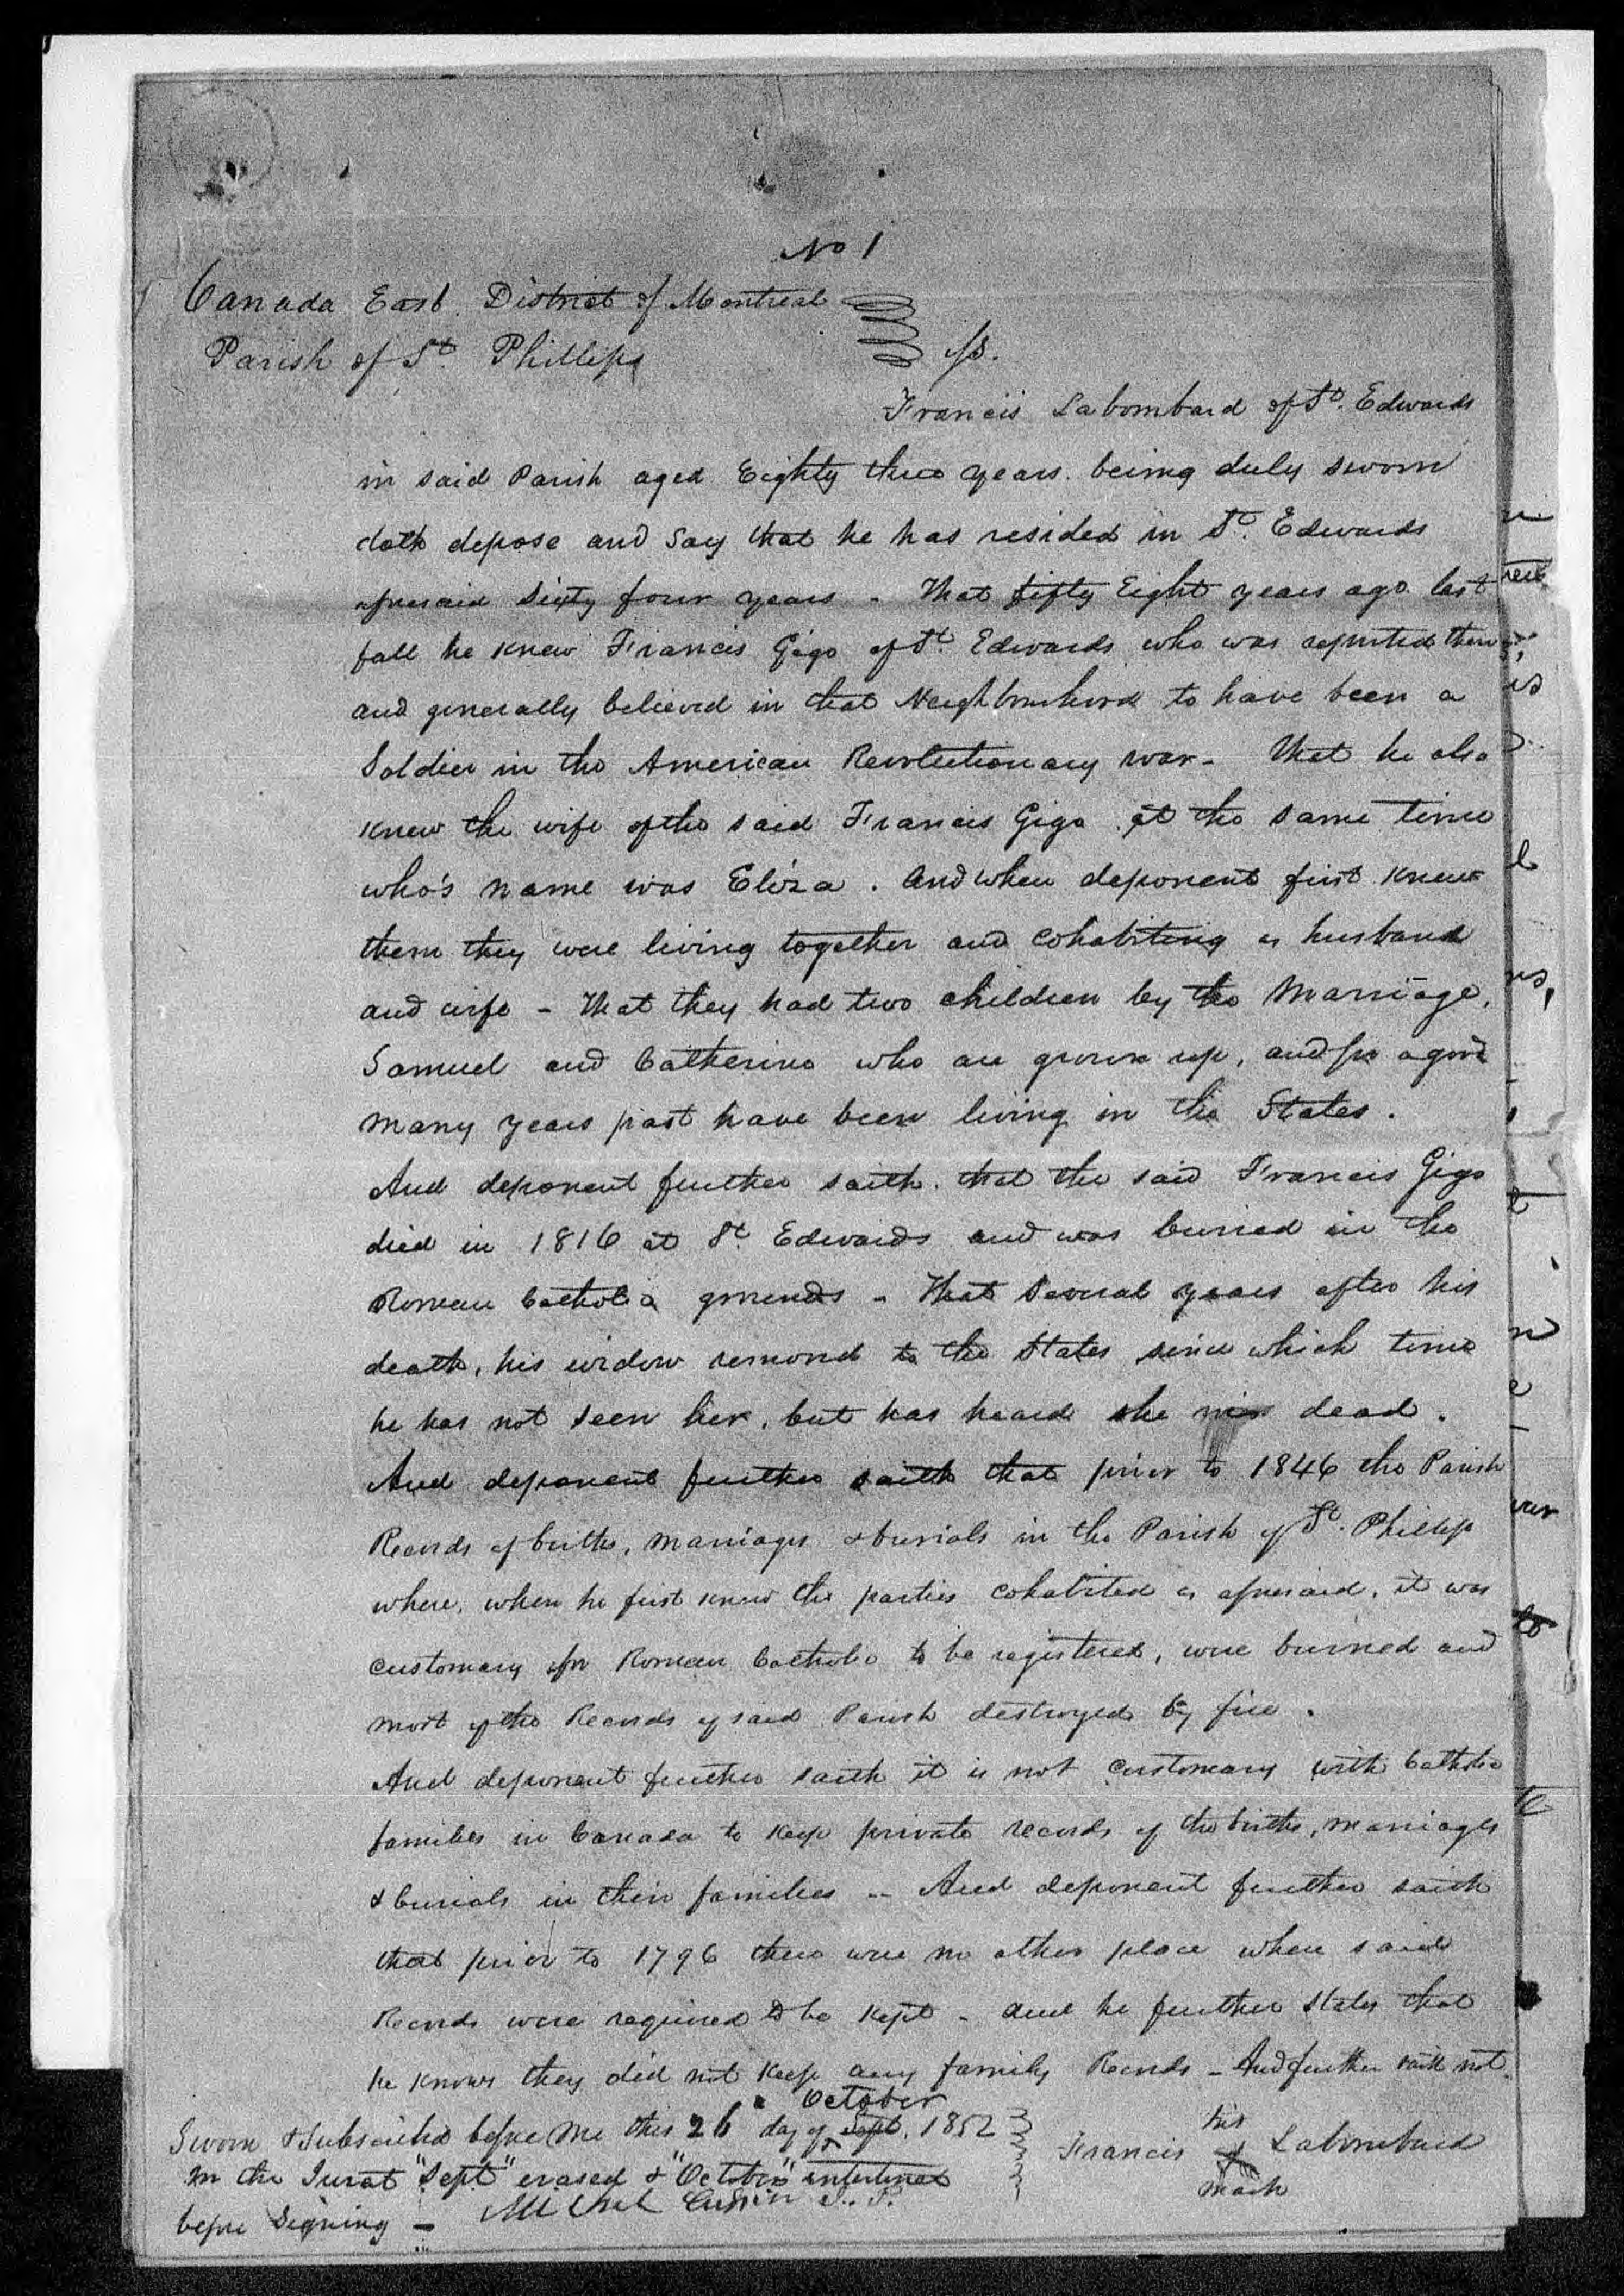No. 1
Canada East District of Montreal
Parish of St. Phillip   ss
     Francis Labombard of St. Edward in said parish aged eighty three years, being duly sworn doth depose and say that he has resided in St. Edward aforesaid sixty four years. 
That fifty eight years  ago last fall he knew Francis Gigo of St. Edward who was reputed then and general believed in that neighborhood to have been a Soldier in the American Revolutionary war. That he also knew of the wife of the said Francis Gigo at the same time who's name was Eliza. And when deponent first knew them they were living together and cohabiting as husband and wife - that they had two children by the marriage - Samuel and Catherine who are grown up and for a good many years past have been living in the States.
And deponent further saith, that the said Francis Gigo died in 1816 at St. Edward and was buried in the Roman Catholic grounds.
That several years after his death his widow removed to the States since which time he has not seen her but has heard she is now dead.
And deponent further saith that prior to 1846 Records of births, marriages, & burials in the Parish of St. Phillip where, when he first knew the parties cohabited is aforesaid, it was customary for Roman Catholic to be registered were burned and most of the Records of said Parish destroyed by fire.
And deponent further saith it is not customary with Catholic families in Canada to keep private records of the births, marriages & burials in their families --
And deponent further saith that prior to 1796 there was no other place where said Records were required to be kept - and he further states that he knows they did not keep any family Records - and further saith not
Sworn & subscribed before me this 26th day of October 1852
In the Jurat "Sept" erased and "October" [illegible] before signing
Signing Michel [illegible] J.P.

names: Catherine, Francis Gigo, Eliza, Francis Labombard, Francis Gigo, Michel Lussier, Francis Gigo, Francis Labombard, Samuel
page: 36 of 98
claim: widow's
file: W. 21182, Francis Gigo, Continental (Canadian)